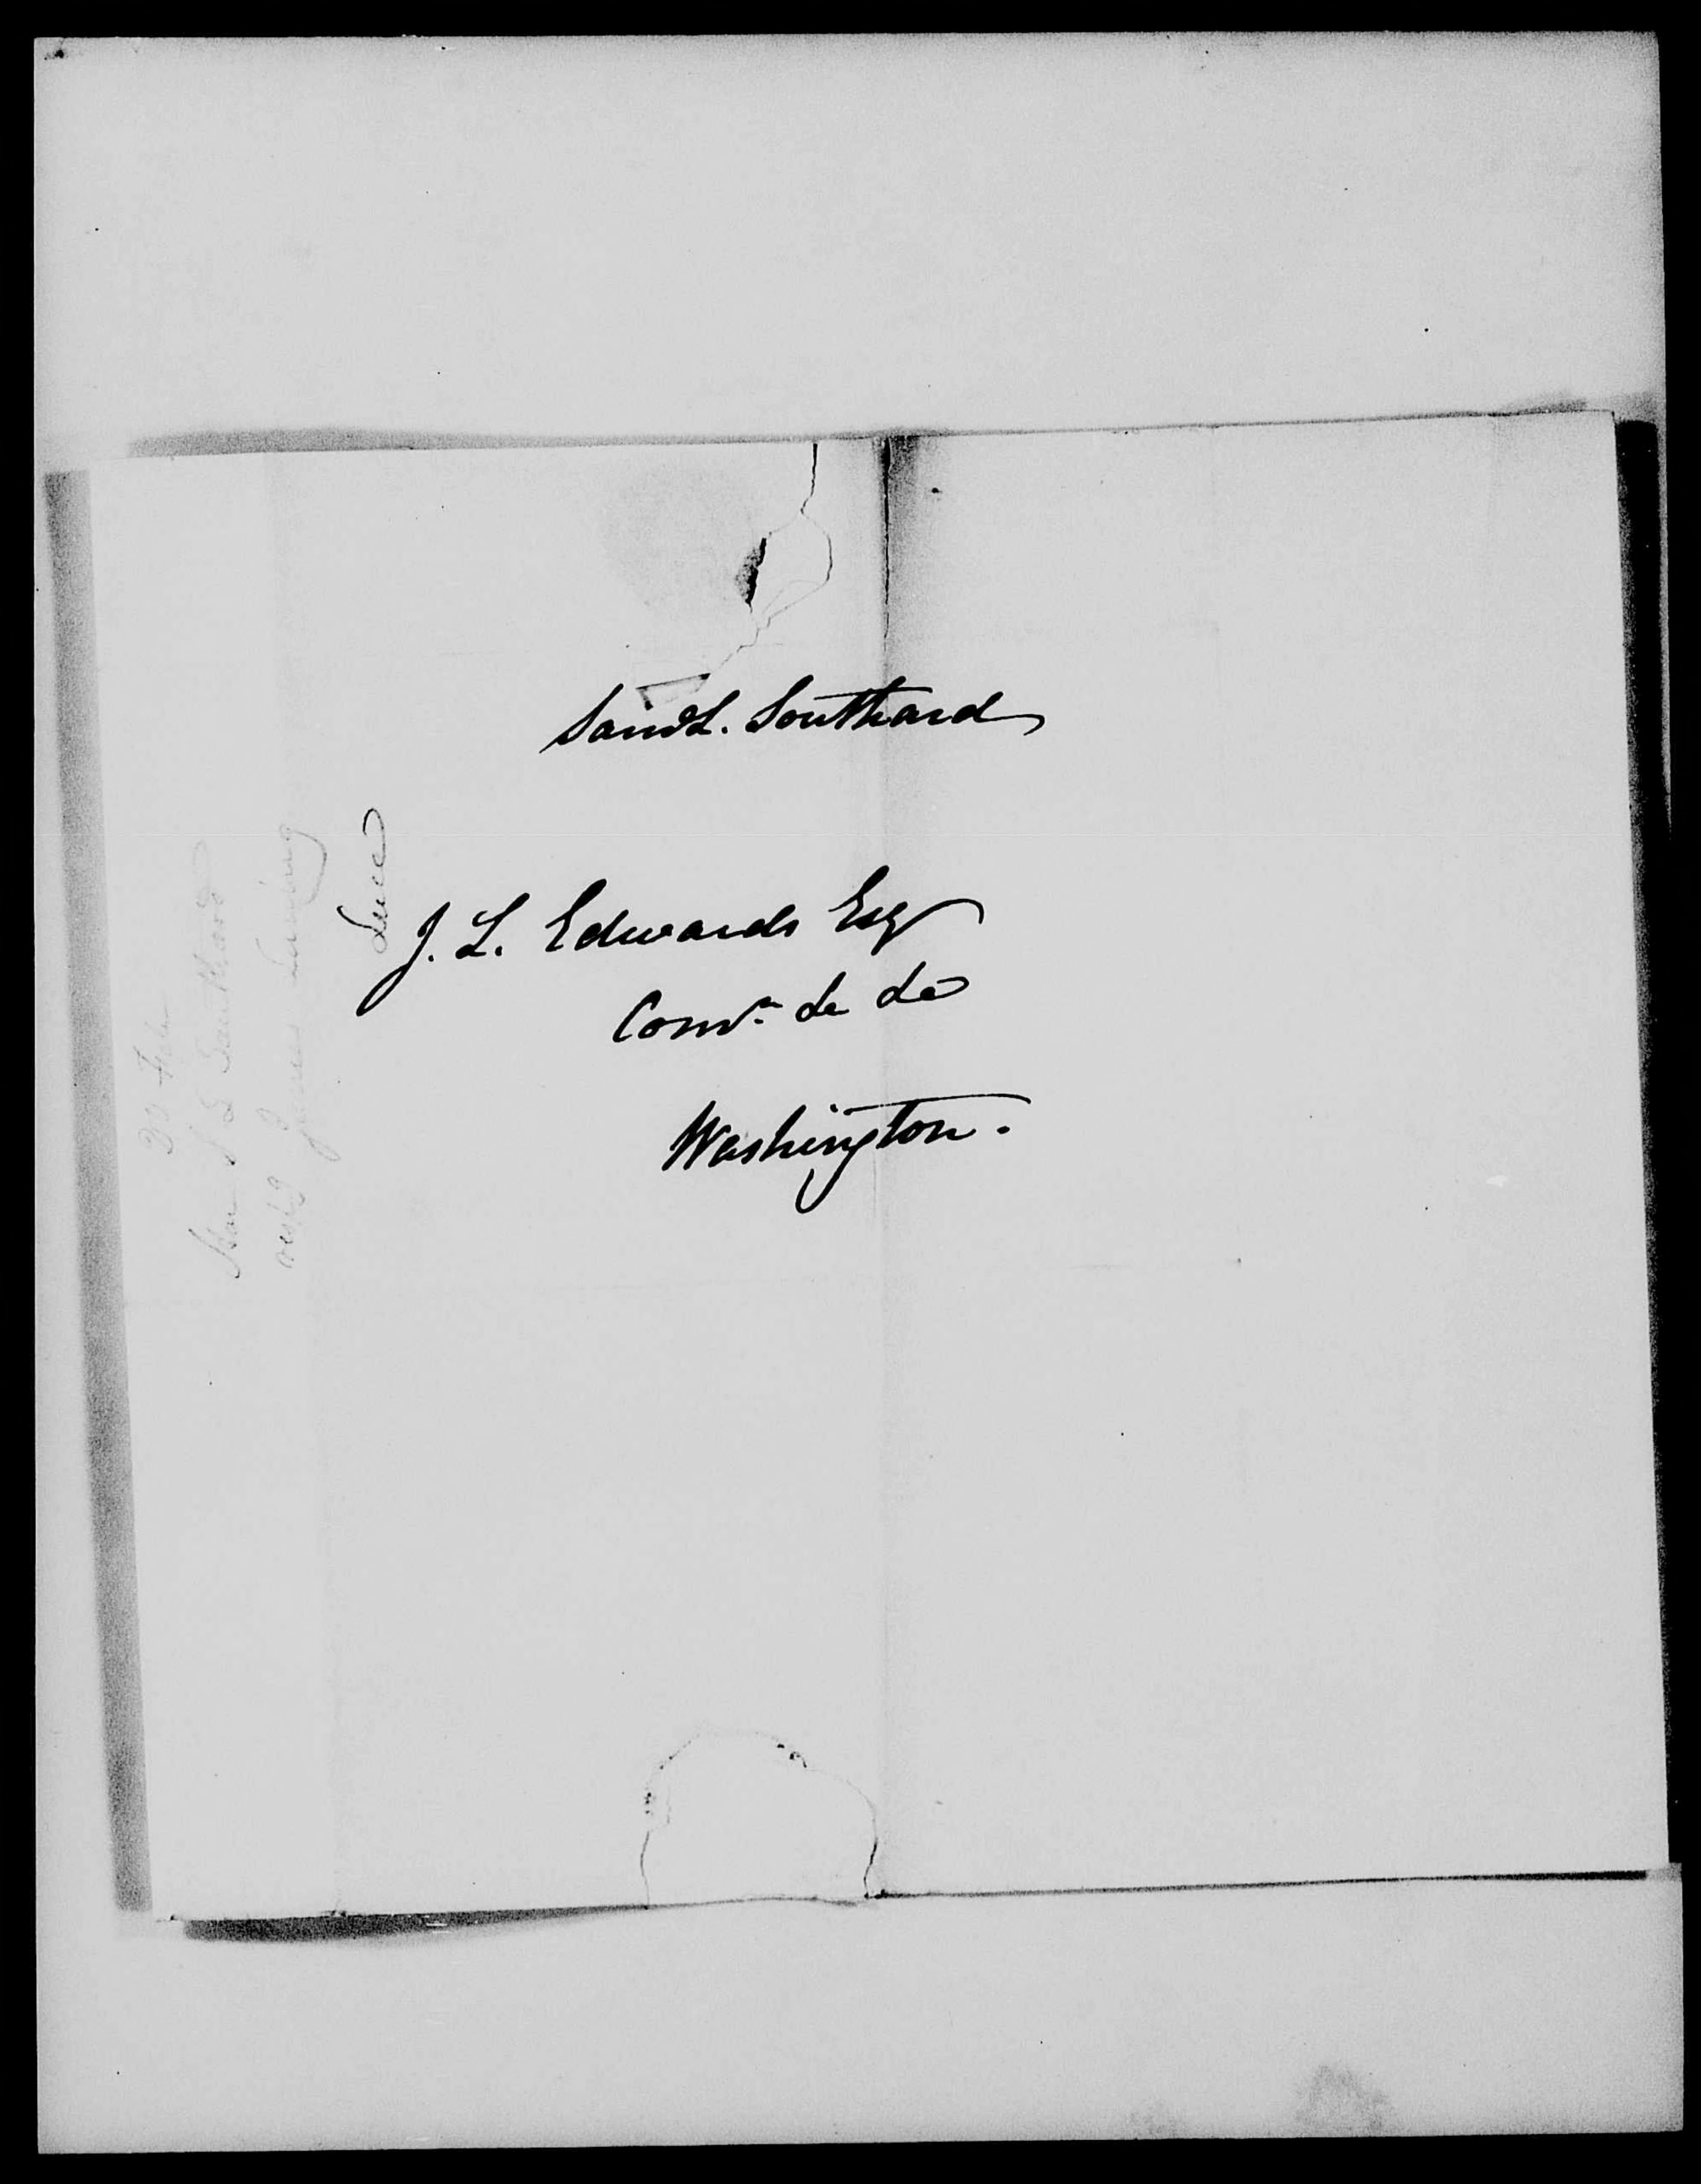Saml. Southard
J. L. Edwards Esq
Comr. de de
Washington.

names: J L Edwards; S L Southard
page: 31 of 39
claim: rejected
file: R. 6154, for James Laning, New Jersey